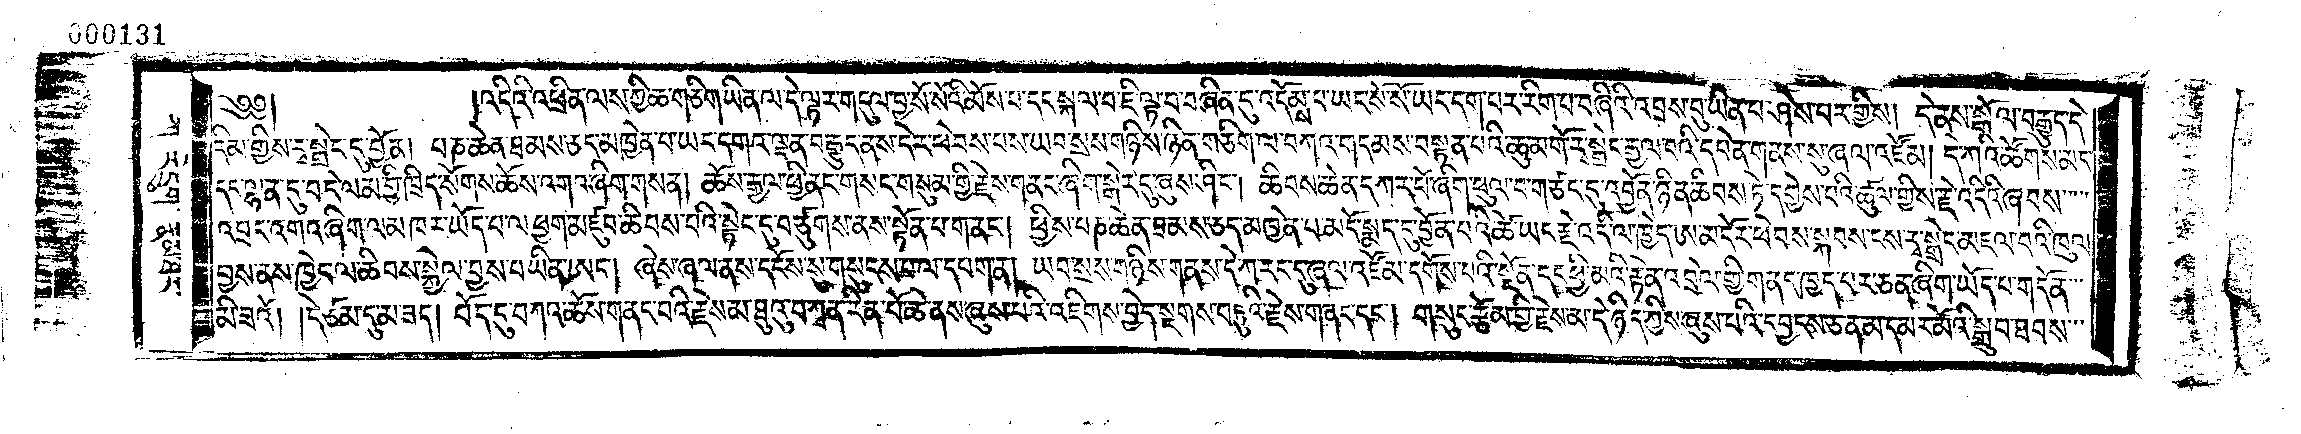༄༅། །འདིའི་འཕྲིན་ལས་ཀྱི་ཆ་གཅིག་ཡིན་ལ་དེ་ལྟར་གདུལ་བྱ་སོ་སོའི་མོས་པ་དང་སྐལ་བ་ཇི་ལྟ་བ་བཞིན་དུ་འདོམས་པ་ཡང་སོ་སོ་ཡང་དག་པར་རིག་པ་བཞིའི་འབྲས་བུ་ཡིན་པ་ཤེས་པར་གྱིས། དེ་ནས་སྒོ་ལ་བརྒྱུད་དེ་
རིམ་གྱིས་རྭ་སྒྲེང་དུ་བྱོན། པཎ་ཆེན་ཐམས་ཅད་མཁྱེན་པ་ཡང་དགའ་ལྡན་བརྒྱུད་ནས་དེར་ཕེབས་པས་ཡབ་སྲས་གཉིས་ཉིན་གཅིག་ལ་བཀའ་གདམས་བསྟན་པའི་ཆུ་མགོར་སྒྲེང་རྒྱལ་བའི་དབེན་གནས་སུ་ཞལ་འཛོམ། དེ་ཀའི་ཚོགས་མང་
དང་ལྷན་དུ་བདེ་ལམ་གྱི་ཁྲིད་སོགས་ཆོས་འགའ་ཞིག་གསན། ཆོས་རྒྱལ་ཕྱི་ནང་གསང་གསུམ་གྱི་རྗེས་གནང་ཞིག་སྒེར་དུ་ཞུས་ཤིང་། ཆིབས་ཆེན་དཀར་པོ་ཞིག་ཕུལ་བ་གཙང་དུ་འབྱོན་ཉིན་ཆིབས་ཏེ་དགྱེས་པའི་ཚུལ་གྱིས་རྗེ་འདིའི་ཞབས་
འབྲང་འགའ་ཞིག་ལམ་ཁར་ཡོད་པ་ལ་ཕྱག་མཛུབ་ཆིབས་པའི་སྟེང་དུ་བཙུགས་ནས་སྟོན་པ་གནང་། ཕྱིས་པཎ་ཆེན་ཐམས་ཅད་མཁྱེན་པ་མདོ་སྨད་དུ་བྱོན་པའི་ཚེ་ཡང་རྗེ་འདི་འཁྱེད་ཨ་མདོར་ཕེབས་སྐབས་ངས་རྭ་སྒྲེང་མཇལ་བའི་ཁུལ་
བྱས་ནས་ཁྱེད་ལ་ཆིབས་སྐྱེལ་བྱས་པ་ཡིན་ཨང་། ཞེས་ཞལ་ནས་དངོས་སུ་གསུངས་པ་ལ་དཔག་ན། ཡབ་སྲས་གཉིས་གནས་དེ་ཀ་རང་དུ་ཞལ་འཛོམ་དགོས་པའི་སྔོན་དང་ཕྱི་མའི་རྟེན་འབྲེལ་གྱི་གནད་ཁྱད་པར་ཅན་ཞིག་ཡོད་པ་གདོན་
མི་ཟའོ། །དེ་ཙམ་དུ་མ་ཟད། བོད་དུ་བཀའ་ཆོས་གནང་བའི་རྗེས་མ་ཐུའུ་བཀྭན་རིན་པོ་ཆེ་ནས་ཞུས་པའི་འཇིགས་བྱེད་སྔགས་བཏུའི་རྗེས་གནང་དང་། གསུང་རྩོམ་གྱི་རྗེས་མ་དེ་ཉིད་ཀྱིས་ཞུས་པའི་དབྱངས་ཅན་མ་དམར་མོའི་སྒྲུབ་ཐབས་